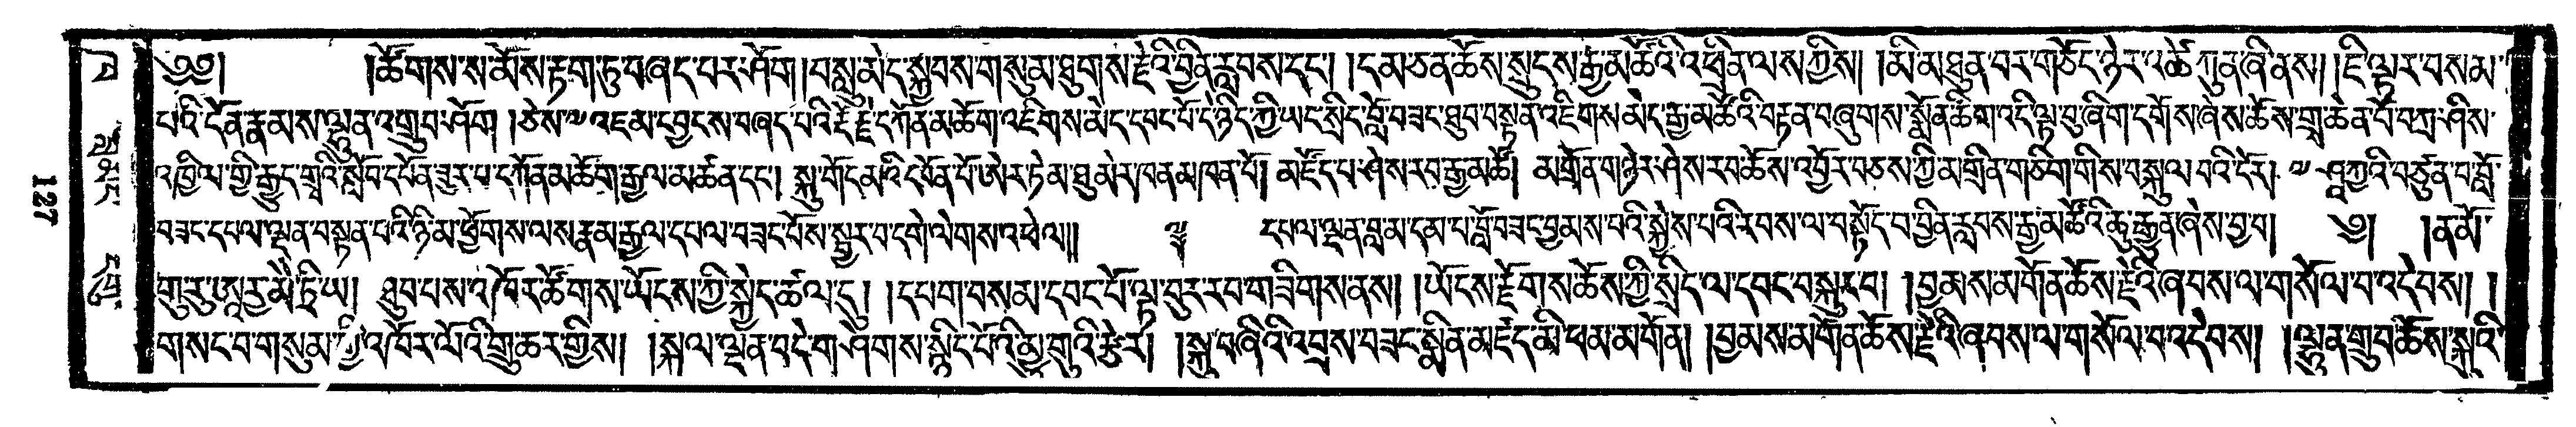༄༅། །ཚོགས་ས་མོས་རྟག་ཏུ་བཞད་པར་ཤོག །བསླུ་མེད་སྐྱབས་གསུམ་ཐུགས་རྗེའི་བྱིན་རླབས་དང་། །དམ་ཅན་ཆོས་སྲུངས་རྒྱ་མཚོའི་འཕྲིན་ལས་ཀྱིས། །མི་མཐུན་བར་གཅོད་ཉེར་འཚེ་ཀུན་ཞི་ནས། །ཇི་ལྟར་བསམ་
པའི་དོན་རྣམས་ལྷུན་འགྲུབ་ཤོག །ཅེས་༧་འཇམ་དབྱངས་བཞད་པའི་རྡོ་རྗེ་དཀོན་མཆོག་འཇིགས་མེད་དབང་པོ་དེ་ཉིད་ཀྱི་ཡང་སྲིད་བློ་བཟང་ཐུབ་བསྟན་འཇིགས་མེད་རྒྱ་མཚོའི་བརྟན་བཞུགས་སྨོན་ཚིག་འདི་ལྟ་བུ་ཞིག་དགོས་ཞེས་ཆོས་གྲྭ་ཆེན་པོ་བཀྲ་ཤིས་
འཁྱིལ་གྱི་རྒྱུད་གྲྭའི་སློབ་དཔོན་ཟུར་པ་དཀོན་མཆོག་རྒྱལ་མཚན་དང་། སྐུ་གོང་མའི་དབོན་པོ་ཨེར་ཏེ་མ་ཐུ་མེར་ཁན་མཁན་པོ། །མཛོད་པ་ཤེ་ས་རབ་རྒྱ་མཚོ། མགྲོན་གཉེར་ཤེས་རབ་ཆོས་འབྱོར་བཅས་ཀྱི་མགྲིན་གཅིག་གིས་བསྐུལ་བའི་ངོར། ༧་ཤཱཀྱའི་བཙུན་བ་བློ་
བཟང་དཔལ་ལྡན་བསྟན་པའི་ཉི་མ་ཕྱོགས་ལས་རྣམ་རྒྱལ་དཔལ་བཟང་པོས་སྦྱར་བ་དགེ་ལེགས་འཕེལ།། ༈ དཔལ་ལྡན་བླ་མ་དམ་པ་བློ་བཟང་བྱམས་པའི་སྐྱེས་པའི་རབས་ལ་བསྟོད་པ་བྱིན་རླབས་རྒྱ་མཚོའི་ཆུ་རྒྱུན་ཞེས་བྱ་བ། ༈ ། །ན་མོ་
གུ་རུ་ཨཱརྱ་མཻ་ཏྲི་ཡ། ཐུབ་པས་འཁོར་ཚོགས་ཡོངས་ཀྱི་སྐྱེད་ཚལ་དུ། །དཔག་བསམ་དབང་པོ་ལྟ་བུར་རབ་གཟིགས་ནས། །ཡོངས་རྫོགས་ཆོས་ཀྱི་སྲིད་ལ་དབང་བསྐུར་བ། །བྱམས་མགོན་ཆོས་རྗེའི་ཞབས་ལ་གསོལ་བ་འདེབས། །
གསང་བ་གསུམ་གྱི་འཁོར་ལོའི་གྲུ་ཆར་གྱིས། །སྐལ་ལྡན་བདེ་གཤེགས་སྙིང་པོའི་མྱུ་གུའི་རྩེར། །སྐུ་བཞིའི་འབྲས་བཟང་སྨིན་མཛད་མི་ཕམ་མགོན། །བྱམས་མགོན་ཆོས་རྗེའི་ཞབས་ལ་གསོལ་བ་འདེབས། །ལྷུན་གྲུབ་ཆོས་སྐུའི་